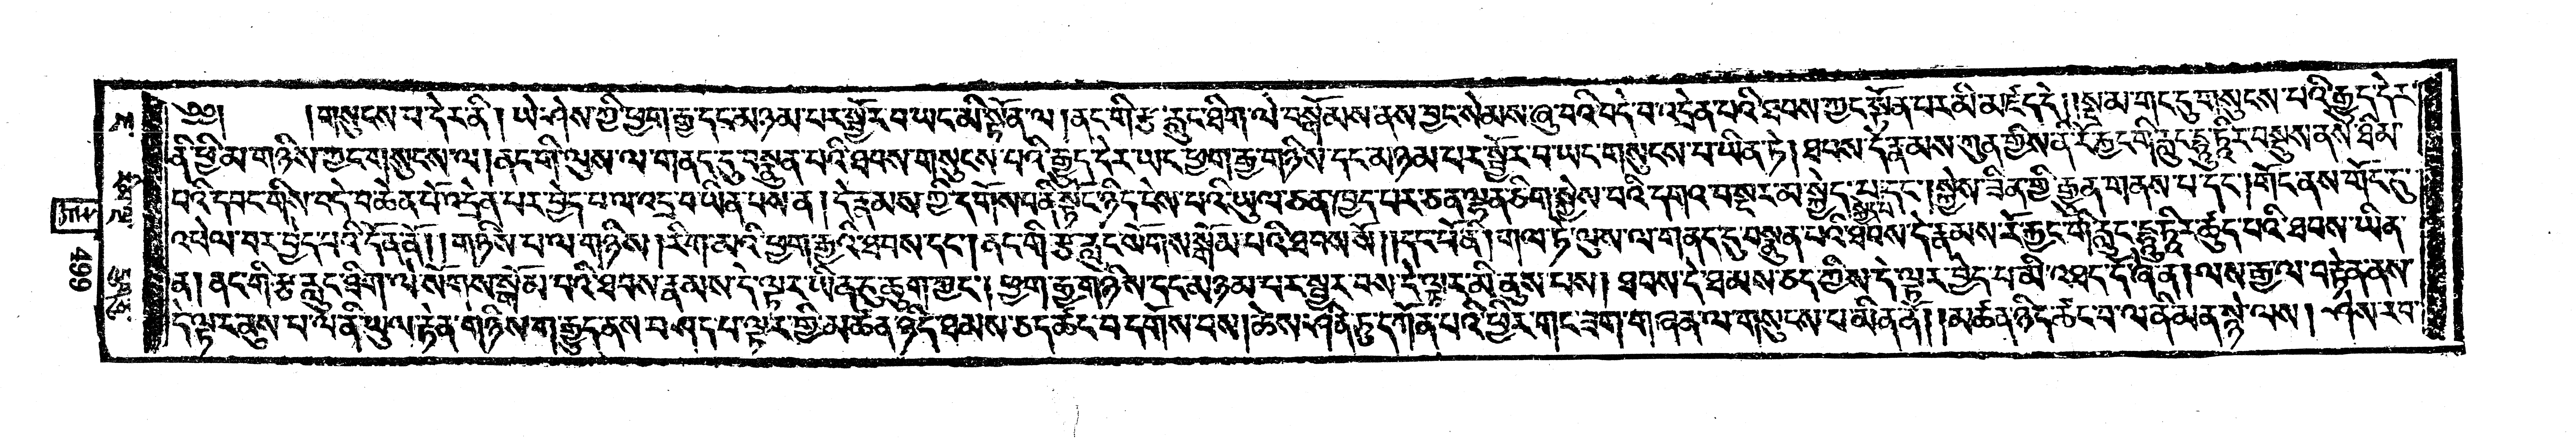༄༅། །གསུངས་པ་དེར་ནི། ཡེ་ཤེས་ཀྱི་ཕྱག་རྒྱ་དང་མཉམ་པར་སྦྱོར་བ་ཡང་མི་སྟོན་ལ། ནང་གི་རྩ་རླུང་ཐིག་ལེ་བསྒོམས་ནས་བྱང་སེམས་ཞུ་བའི་བདེ་བ་འདྲེན་པའི་ཐབས་ཀྱང་སྟོན་པར་མི་མཛད་དོ། །སྔ་མ་གང་དུ་གསུངས་པའི་རྒྱུད་དེར་
ནི་ཕྱི་མ་གཉིས་ཀྱང་གསུངས་ལ། ནང་གི་ལུས་ལ་གནད་དུ་བསྣུན་པའི་ཐབས་གསུངས་པའི་རྒྱུད་དེར་ཡང་ཕྱག་རྒྱ་གཉིས་དང་མཉམ་པར་སྦྱོར་བ་ཡང་གསུང་པ་ཡིན་ཏེ། ཐབས་དེ་རྣམས་ཀུན་གྱིས་ནི་རོ་རྐྱང་གི་རླུང་དྷཱུ་ཏཱིར་བསྡུས་ནས་ཐིམ་
པའི་དབང་གིས་བདེ་བ་ཆེན་པོ་འདྲེན་པར་བྱེད་པ་ལ་འདྲ་བ་ཡིན་པས་ན། དེ་རྣམས་ཀྱི་དགོས་པ་ནི་སྟོང་ཉིད་ངེས་པའི་ཡུལ་ཅན་ཁྱད་པར་ཅན་ལྷན་ཅིག་སྐྱེས་པའི་དགའ་བ་སྔར་མ་སྐྱེད་པ་སྐྱེད་པ་དང་། སྐྱེས་ཟིན་གྱི་རྒྱུན་གནས་པ་དང་། གོང་ནས་གོང་དུ་
འཕེལ་བར་བྱེད་པའི་དོན་ནོ། །གཉིས་པ་ལ་གཉིས། རིག་མའི་ཕྱག་རྒྱའི་ཐབས་དང་། ནང་གི་རྩ་རླུང་སོགས་སྒོམ་པའི་ཐབས་སོ། །དང་པོ་ནི། གལ་ཏེ་ལུས་ལ་གནད་དུ་བསྣུན་པའི་ཐབས་དེ་རྣམས་རོ་རྐྱང་གི་རླུང་དྷཱུ་ཏཱིར་ཚུད་པའི་ཐབས་ཡིན་
ན། ནང་གི་རྩ་རླུང་ཐིག་ལེ་སོགས་སྒོམ་པའི་ཐབས་རྣམས་དེ་ལྟར་ཡིན་དུ་ཆུག་ཀྱང་། ཕྱག་རྒྱ་གཉིས་དང་མཉམ་པར་སྦྱར་བས་དེ་ལྟར་མི་ནུས་པས། ཐབས་དེ་ཐམས་ཅད་ཀྱིས་དེ་ལྟར་བྱེད་པ་མི་འཐད་དོ་ཞེ་ན། ལས་རྒྱ་ལ་བརྟེན་ནས་
དེ་ལྟར་ནུས་པ་ལ་ནི་ཡུལ་རྟེན་གཉིས་ཀ་རྒྱུད་ནས་བཤད་པ་ལྟར་གྱི་མཚན་ཉིད་ཐམས་ཅད་ཚང་བ་དགོས་པས། ཆེས་ཤིན་ཏུ་དཀོན་པའི་ཕྱིར་གང་ཟག་གཞན་ལ་གསུངས་པ་མིན་ནོ། །མཚན་ཉིད་ཆང་བ་ལ་ནི་མན་སྙེ་ལས། ཤེས་རབ་